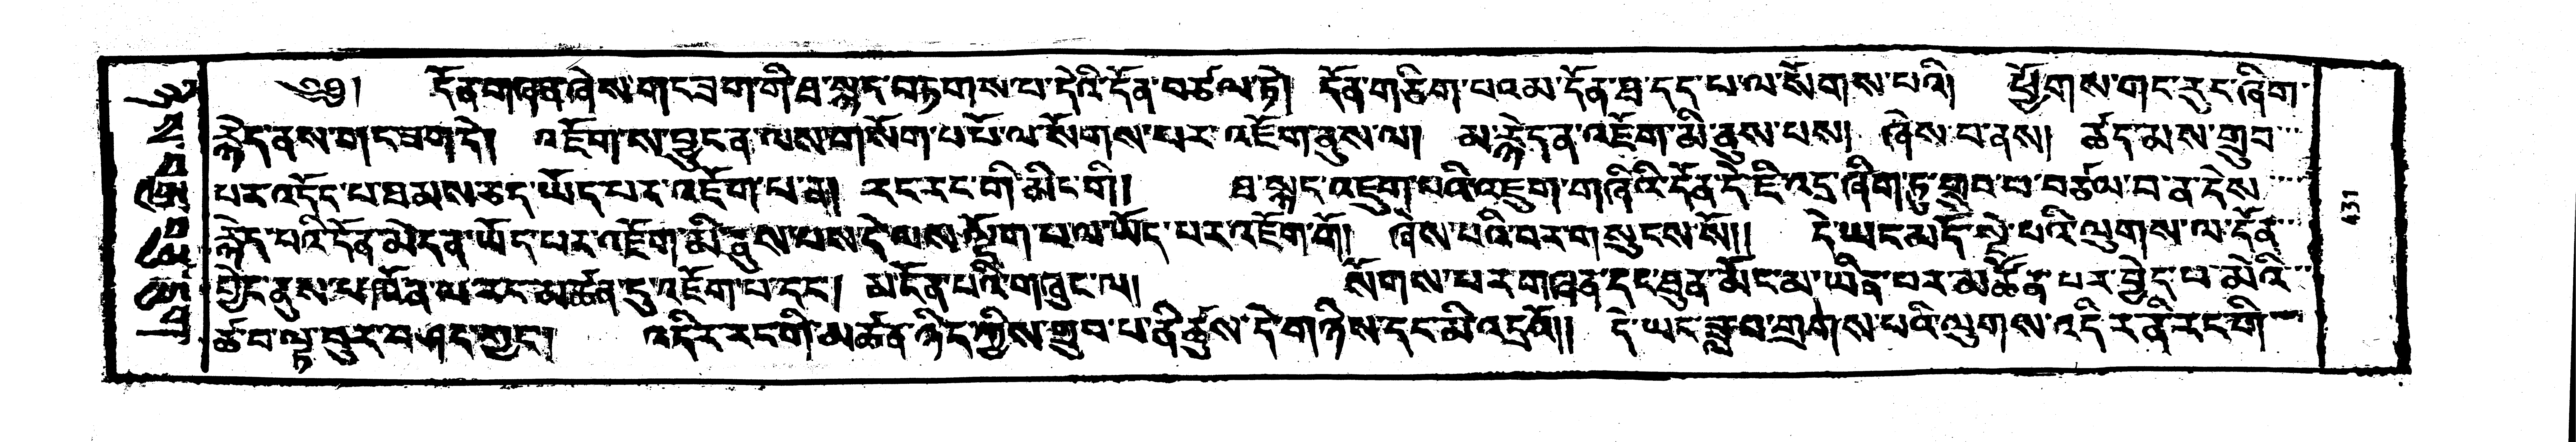༄༅། །དོན་གཞན་ཞེས་གང་ཟག་གི་ཐ་སྙད་བཏགས་པ་དེའི་དོན་བཙལ་ཏེ། དོན་གཅིག་པའམ་དོན་ཐ་དད་པ་ལ་སོགས་པའི། ཕྱོགས་གང་རུང་ཞིག་
རྙེད་ནས་གང་ཟག་དེ། འཇོག་ས་བྱུང་ན་ལས་གསོག་པ་པོ་ལ་སོགས་པར་འཇོག་ནུས་ལ། མ་རྙེད་ན་འཇོག་མི་ནུས་པས། ཞེས་པ་ནས། ཚད་མས་གྲུབ་
པར་འདོད་པ་ཐམས་ཅད་ཡོད་པར་འཇོག་པ་ན། རང་རང་གི་མིང་གི། ཐ་སྙད་འཇུག་པའི་འཇུག་གཞིའི་དོན་དེ་ཇི་འདྲ་ཞིག་ཏུ་གྲུབ་པ་བཙལ་བ་ན་དེས་
རྙེད་པའི་དོན་མེད་ན་ཡོད་པར་འཇོག་མི་ནུས་པས་དེ་ལས་ལྡོག་པ་ལ་ཡོད་པར་འཇོག་གོ །ཞེས་པའི་བར་གསུངས་སོ། །དེ་ཡང་མདོ་སྡེ་པའི་ལུགས་ལ་དོན་
བྱེད་ནུས་པ་ཁོ་ན་ལ་རང་མཚན་དུ་འཇོག་པ་དང་། མངོན་པའི་གཞུང་ལ། སོགས་པར་གཞན་དང་ཐུན་མོང་མ་ཡིན་པར་མཚོན་པར་བྱེད་པ་མེའི་
ཚ་བ་ལྟ་བུར་བཤད་ཀྱང་། འདིར་རང་གི་མཚན་ཉིད་ཀྱིས་གྲུབ་པ་ནི་ཚུས་དེ་གཉིས་དང་མི་འདྲའོ། །དེ་ཡང་ཟླ་བ་གྲགས་པའི་ལུགས་འདིར་ནི་རང་གི་